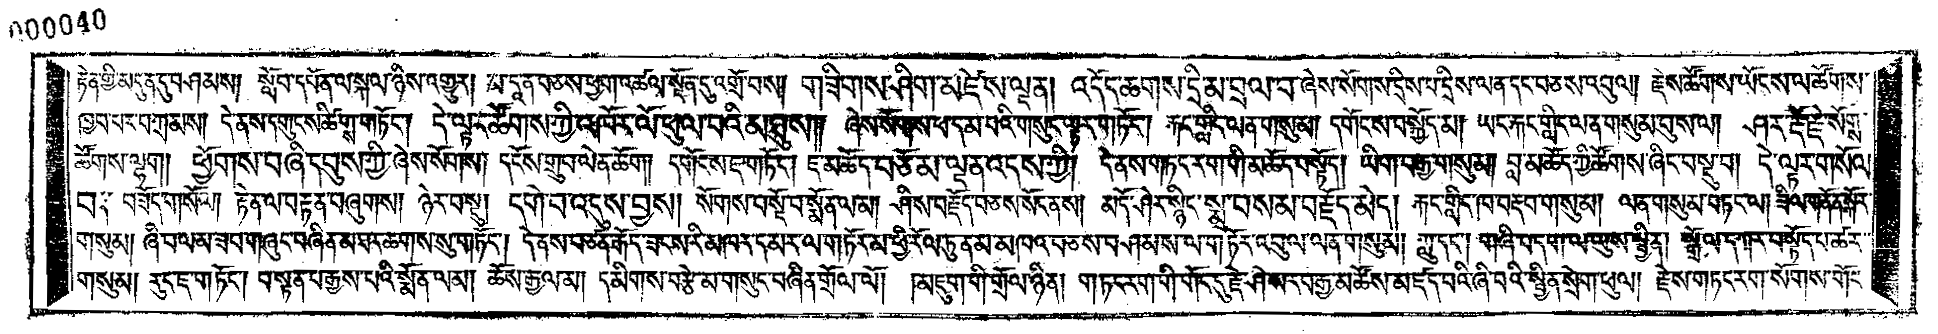རྟེན་གྱི་མདུན་དུ་བཤམས། སློབ་དཔོན་ལ་སྐལ་ཉིས་འགྱུར། མ་དཱ་ན་བཅས་ཕྱག་འཚལ་སྔོན་དུ་འགྲོ་བས། གཟིགས་ཤིག་མཛེས་ལྡན། འདོད་ཆགས་དྲི་མ་བྲལ་བ་ཞེས་སོགས་དྲིས་པ་དྲིས་ལན་དང་བཅས་འབུལ། རྗེས་ཚོགས་ཡོངས་ལ་ཚོགས་
ཁྱབ་པར་བཀྲམས། དེ་ནས་དགུངས་ཚིགས་གཏོང་། དེ་ལྟར་ཚོགས་ཀྱི་འཁོར་ལོ་ཕུལ་བའི་མཐུས།། ཞེས་སོགས་ཕ་དམ་པའི་གསུང་ལྟར་གཏོང་། རྐང་གླིང་ལན་གསུམ། དགོངས་བསྐྱོད་མ། ཡང་རྐང་གླིང་ལན་གསུམ་བུས་ལ།  ཤར་རྡོ་རྗེ་སོགས་
ཚོགས་ལྷག །  ཕྱོགས་བཞི་དབུས་ཀྱི་ཞེས་སོགས། དངོས་གྲུབ་ལེན་ཆོག །དགོངས་ཇ་གཏོང་། ཇ་མཆོད་བཅོམ་ལྡན་འདས་ཀྱི། དེ་ནས་གཏང་རག་གི་མཆོད་བསྟོད། ཡིག་བརྒྱ་གསུམ། བླ་མཆོད་ཀྱི་ཚོགས་ཞིང་བསྡུ་བ།  དེ་ལྟར་གསོལ་
བ༑ བཟོད་གསོལ། རྟེན་ལ་བརྟན་བཞུགས། ཉེར་བསྡུ།  དགེ་བ་འདུས་བྱས། སོགས་བསྔོ་བ་སྨོན་ལམ། ཤིས་བརྗོད་བཅས་སོང་ནས། མདོ་ཤེར་སྙིང་སྨྲ་བསམ་བརྗོད་མེད། རྐང་གླིང་ཁ་བརྡབ་གསུམ། ལན་གསུམ་བཏང་ལ། ཟིལ་གནོན་སྐོར་
གསུམ། ཞི་བ་ལམ་ཟབ་གཞུང་བཞིན་མཐར་ཆགས་སུ་གཏོང་། དེ་ནས་བཙན་རྒོད་ཟངས་རི་མཁར་དམར་ལ་གཏོར་མ་ཕྱི་རོལ་ཏུ་ནམ་མཁའ་བཅས་བཤམས་ལ་གཏོར་འབུལ་ལན་གསུམ། ཀླུ་དང་། གཞི་བདག་ལ་ལུས་སྦྱིན། སྒྲོལ་དཀར་བསྟོད་པ་ཚར་
གསུམ། རུང་ཇ་གཏོང་། བསྟན་པ་རྒྱས་པའི་སྨོན་ལམ། ཆོས་རྒྱལ་མ། དམིགས་བརྩེ་མ་གསུང་བཞིན་གྲོལ་ལོ། །མཇུག་གི་གྲོལ་ཉིན། གཏང་རག་གི་གོང་དུ་རྗེ་ཤེས་རབ་རྒྱ་མཚོས་མཛད་པའི་ཞི་བའི་སྦྱིན་སྲེག་ཕུལ། རྗེས་གཏང་རག་སོགས་གོང་